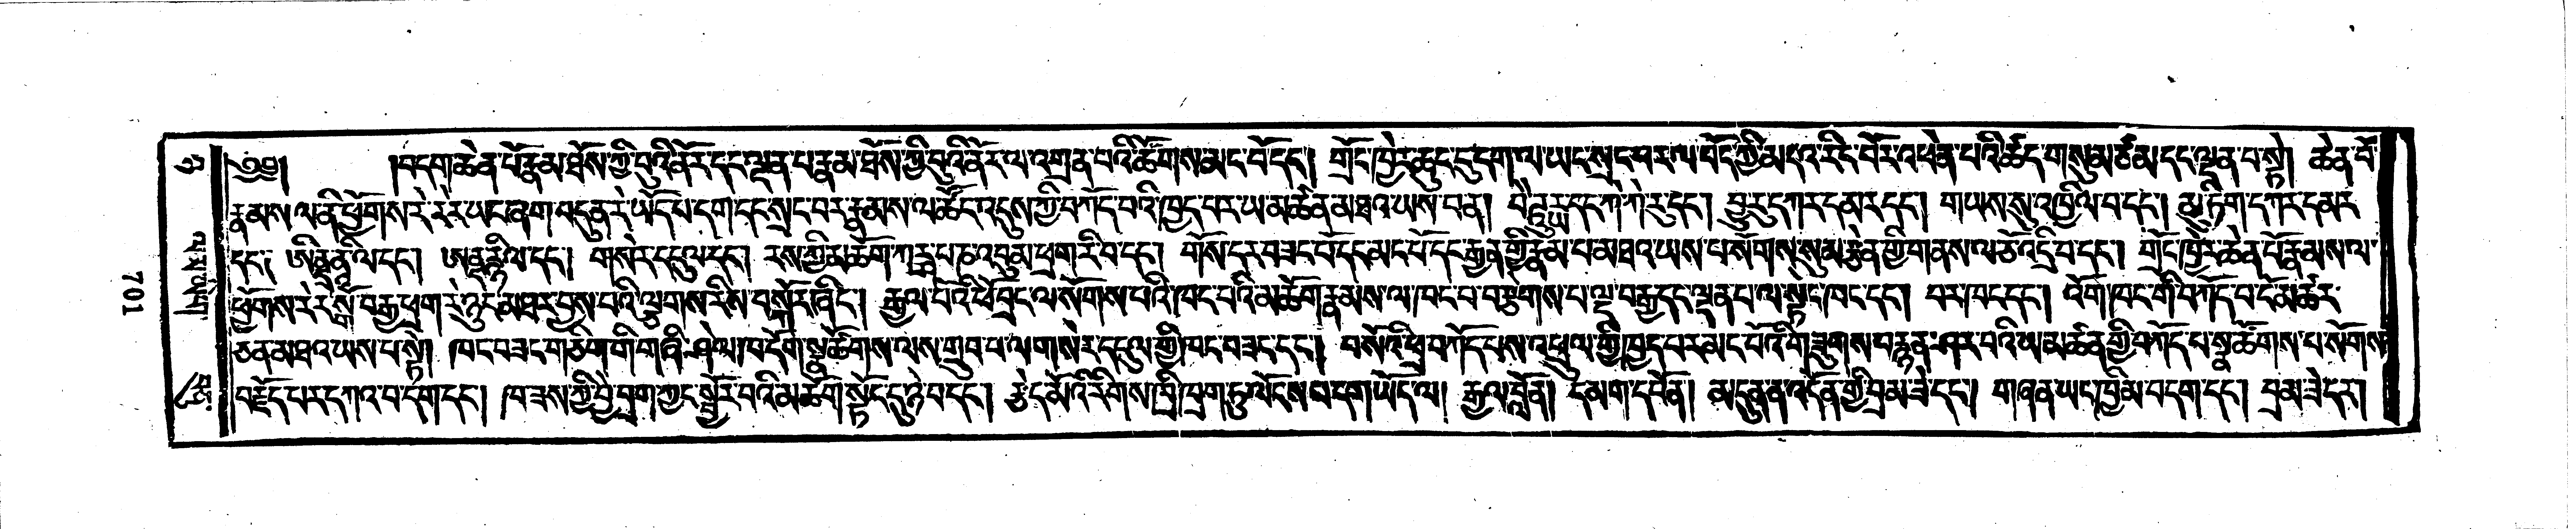༄༅། །བདག་ཆེན་པོ་རྣམ་ཐོས་ཀྱི་བུའི་ནོར་དང་ལྡན་པ་རྣམ་ཐོས་ཀྱི་བུའི་ནོར་ལ་འགྲན་པའི་ཚོགས་མང་བོ་དང་། གྲོང་ཁྱེར་ཆུང་དུ་དག་ལ་ཡང་སྲང་བར་ལ་བོད་ཀྱི་མདའ་རིང་བོར་འཕེན་པའི་ཚད་གསུམ་ཙམ་དང་ལྡན་པ་སྟེ། ཆེན་བོ་
རྣམས་ལ་ནི་ཕྱོགས་རེ་རེར་ཡང་ཞག་བདུན་རེ་ཡོད་པ་དག་དང་སྲང་བར་རྣམས་ལ་ཚོང་འདུས་ཀྱི་བཀོད་པའི་ཁྱད་པར་ཡ་མཚན་མཐའ་ཡས་པ་ན། བཻཌཱུརྱ་དང་ཀེ་ཀེ་རུ་དང་། བྱུ་རུ་དཀར་དམར་དང་། གཡས་སུ་འཁྱིལ་བ་དང་། མུ་ཏིག་དཀར་དམར་
དང༑ ཨིནྡྲ་ནཱ་ལི་དང་། ཨནྡ་རྙིལ་དང་། གསེར་དངུལ་དང་། རས་གྱི་མཆོག་ཀརྴ་པཎ་འབུམ་ཕྲག་རི་བ་དང་། གོས་དར་བཟང་པོ་དང་མང་པོ་དང་རྒྱན་གྱི་རྣམ་པ་མཐའ་ཡས་པ་སོགས་སུམ་རྩེན་གྱི་གནས་ལ་ཅོ་འདྲི་བ་དང་། གྲོང་ཁྱེར་ཆེན་པོ་རྣམས་ལ་
ཕྱོགས་རེ་རེ་སྒོ་བརྒྱ་ཕྲག་རེ་ཉུང་མཐར་བྱས་པའི་ལྕགས་རིས་བསྐོར་ཞིང་། རྒྱལ་པོའི་ཕོ་བྲང་ལ་སོགས་པའི་ཁང་པའི་མཆོག་རྣམས་ལ་ཁང་བ་བརྩེགས་པ་ལྔ་བརྒྱ་དང་ལྡན་པ་ལ་སྟེང་ཁང་དང་། བར་ཁང་དང་། འོག་ཁང་གི་བཀོད་པ་ངོ་མཚར་
ཅན་མཐའ་ཡས་པ་སྟེ། ཁང་བཟང་གཅིག་གི་གཞི་ཤེལ་ཁ་དོག་སྣ་ཚོགས་ལས་གྲུབ་པ་ལ་གསེར་དངུལ་གྱི་ཁང་བཟང་དང་། བསོའི་ཕྲ་བཀོད་པས་འཕྲུལ་གྱི་ཁྱད་པར་མང་པོའི་གཟུགས་བརྙན་ཤར་བའི་ཡ་མཚན་གྱི་བཀོད་པ་སྣ་ཚོགས་པ་སོགས་
བརྗོད་པར་དཀའ་བ་དག་དང་། ཁ་ཟས་ཀྱི་བྱེ་བྲག་ཀྱང་སྦྱོར་བའི་མཆོག་སྟོང་དུ་ཉེ་བ་དང་། རྩེད་མོའི་རིགས་ཁྲི་ཁྲག་ཏུ་ལོངས་བ་དག་ཡོད་ལ། རྒྱལ་བློན། དམག་དབོན། མདུན་ན་འདོན་གྱི་བྲམ་ཟེ་དང་། གཞན་ཡང་ཁྱིམ་བདག་དང་། བྲམ་ཟེ་དར།